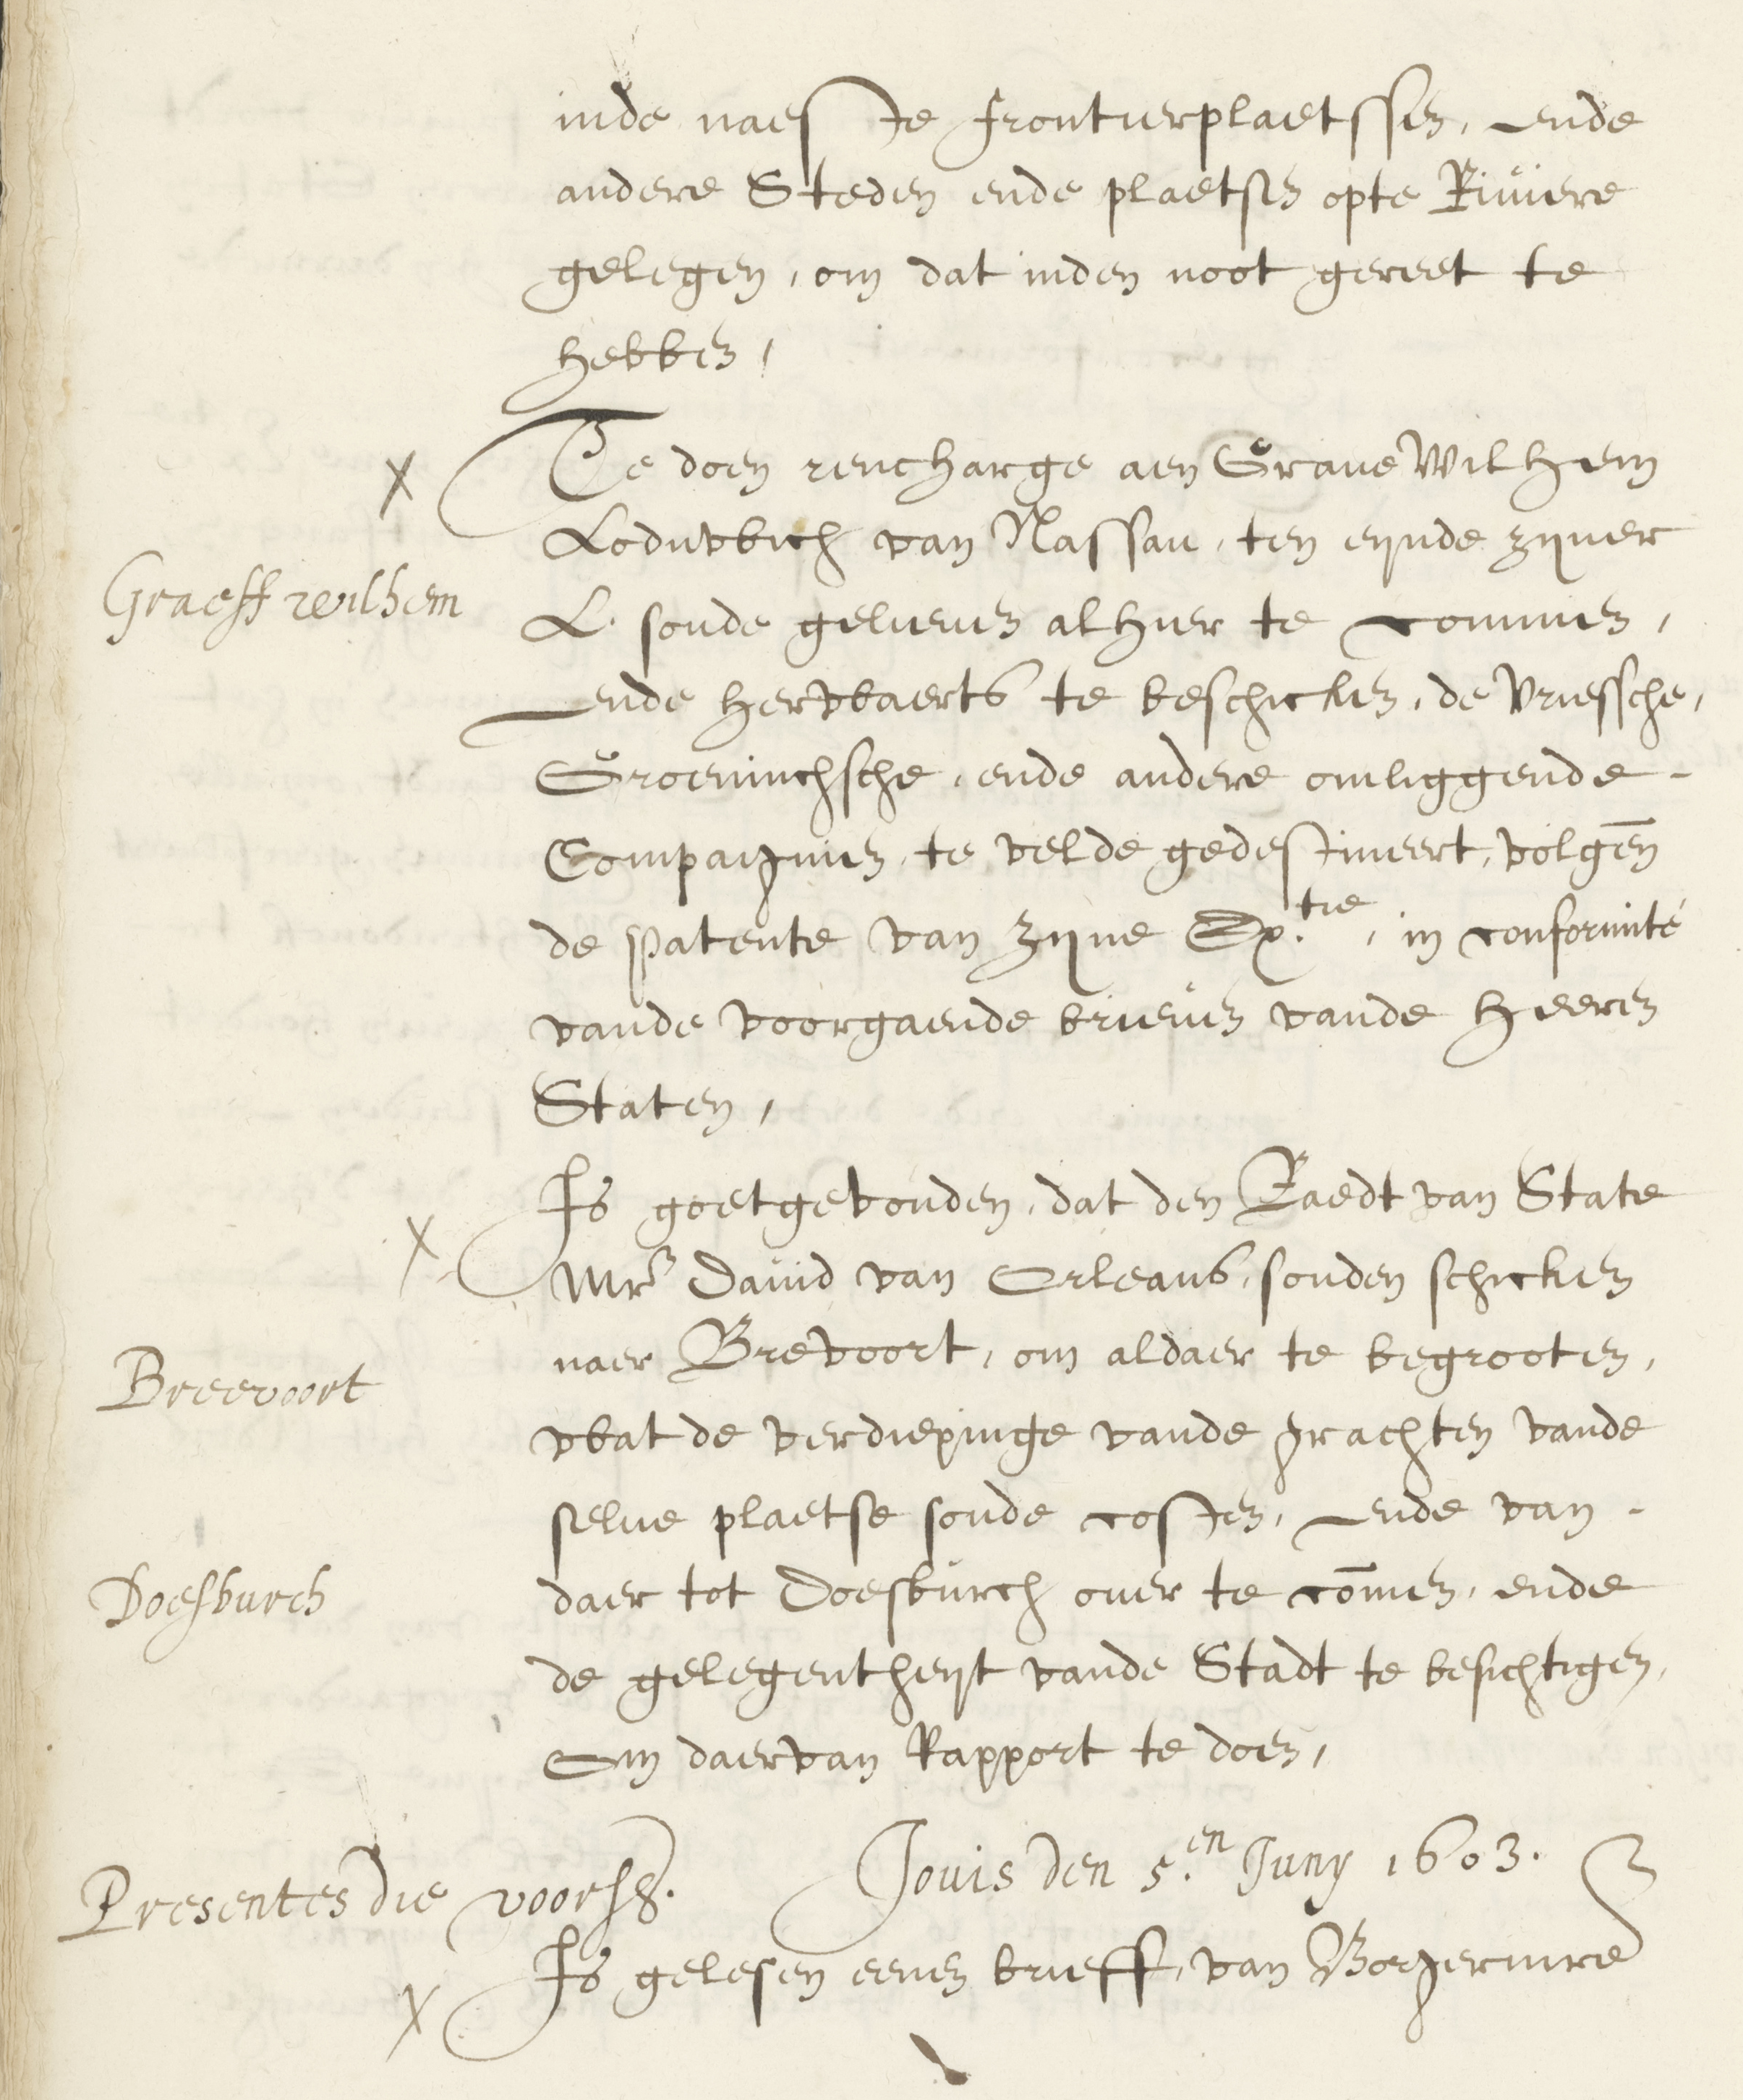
inde naeste frontierplaetssen ende
andere steden ende plaetsen opte Riuiere
gelegen, om dat inden noot gereet te
hebben.
Graeff wilhem
Te doen rencharge aen Graue Wilhem
Lodewich van Nassau ten eynde zyner
L. soude gelieuen alhier te commen,
ende herwaerts te beschicken, de Vriessche,
Groeninchsche, ende andere omliggende
compaignien te velde gedestineert, volgen
de patente van zijne Ex.tie, in conformité
vande voorgaende brieuen vande heeren
Staten.
Breevoort
Doesburch
Is goetgevonden, dat den Raedt van State
Mr David van Orleans, souden schicken
naer Brevoort, om aldaer te begrooten,
wat de verdiepinge vande grachten vande
selue plaetse soude costen, ende van
daer tot Doesburch over te comen, ende
de gelegentheyt vande stadt te besichtigen
om daervan Rapport te doen.
Jovis den 5.en Juny 1603.
Presentes die voorss
Is gelesen eenen brieff, van borgermres
